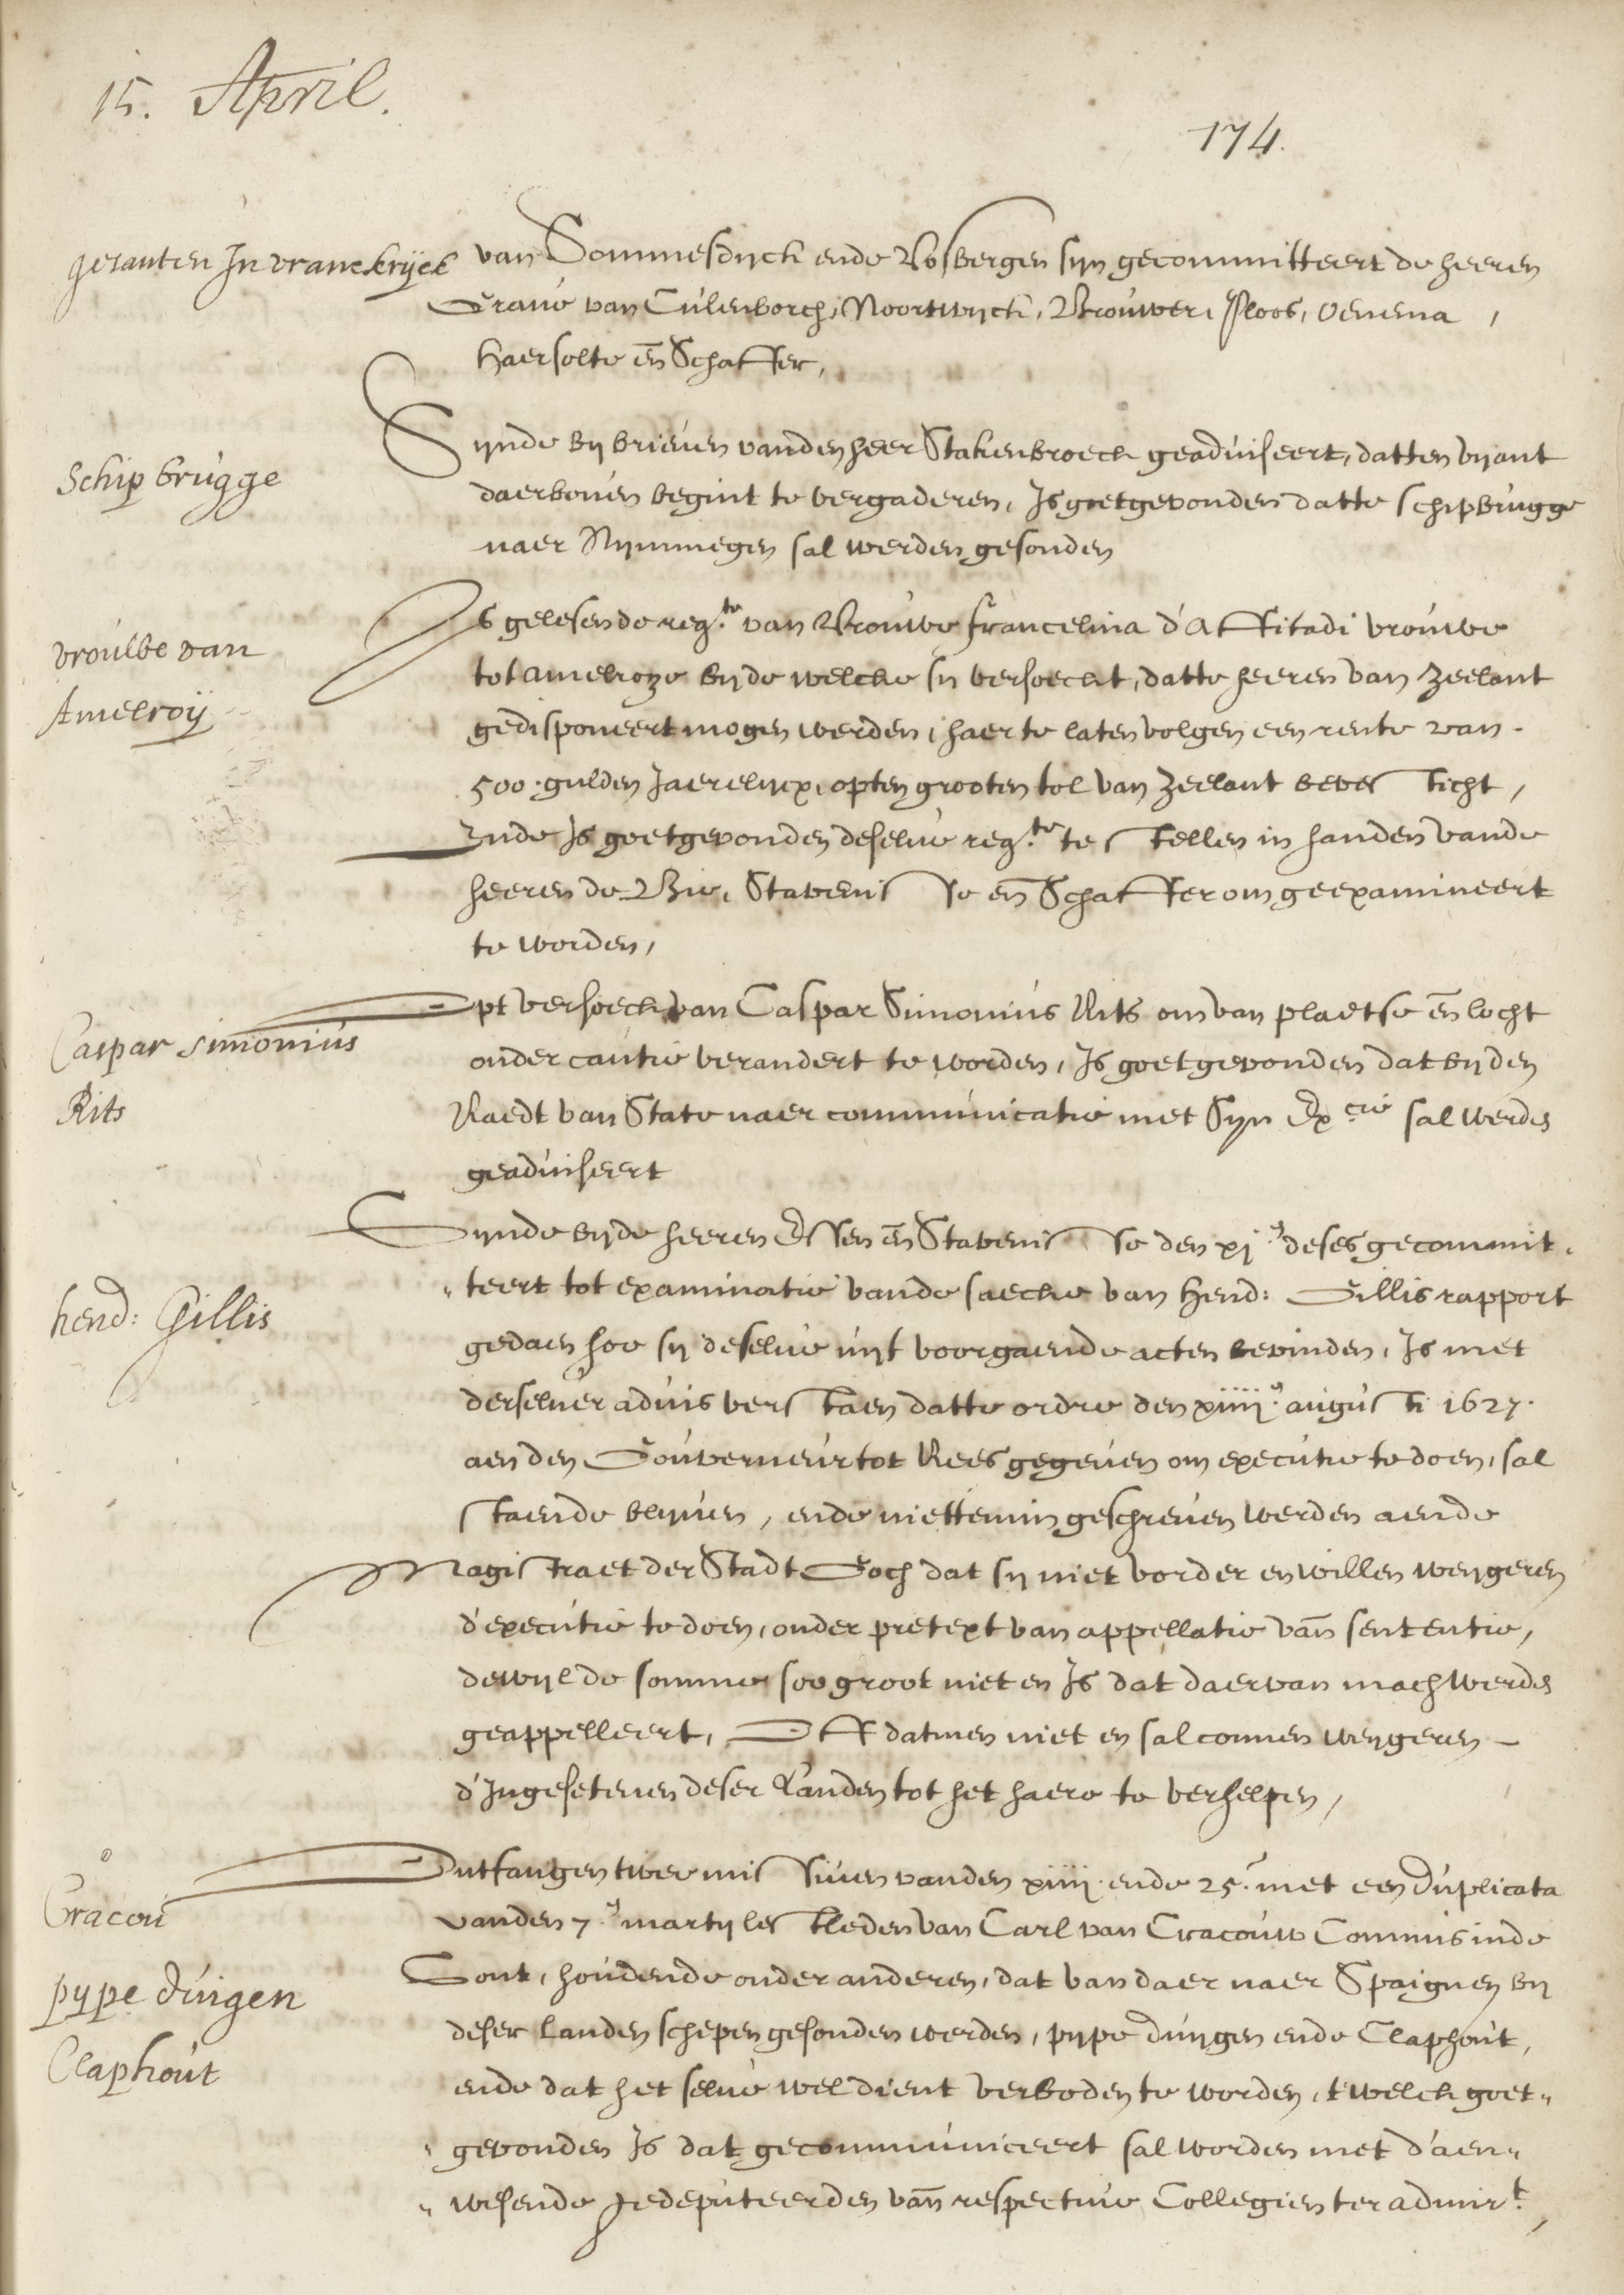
174.
15. April.
gesanten In vranckrijck
van Sommesdyck ende Vosbergen syn gecommitteert de heeren
Graue van Culenborch, Noortwijck, Brouwer, Ploos, Oemena,
haersolte en Schafter,
Schip brugge
Synde bij brieuen vanden heer Stakenbroeck geaduiseert, datten vyant
daerbouen begint te vergaderen, Is goetgevonden datte schipbrugge
naer Nymmegen sal werden gesonden
vrouwe van
Amelroij.
Is gelesen de reqte. van Vrouwe francelina d'Affitadi vrouwe
tot Amelroye by de welcke sy versoeckt, datte heeren van Zeelant
gedisponeert mogen werden, haer te laten volgen een rente van -
500. gulden Jaerelycx, opten grooten tol van Zeelant bevesticht.
Ende Is goetgevonden deselu reqte. te stellen in handen vande
heeren de Bie, Stavenisse en Schaffer om geexamineert
te worden.
Caspar simonius
Rits
Opt versoeck van Caspar Simonius Rits om van plaetse en locht
onder cautie verandert te worden, Is goetgevonden dat by den
Raedt van State naer communicatie met Syn Excie. sal werden
geaduiseert
hend: Gillis
Synde byde heeren Essen en Stavenissse den xie. deses gecommit„
,,teert tot examinatie vande saecke van hend: Gillis rapport
gedaen soe sy deselue uyt voorgaende acten bevinden, Is met
derseluer aduis verstaen datte ordre den xiiije. augusti 1627.
aen den Gouverneur tot Rees gegeuen om executie te doen, sal
staende blyuen, ende niettemin geschreuen werden aende
Magistaet der Stadt Goch dat sy niet vorder en willen weygeren
d'executie te doen, onder pretext van appellatie van sententie,
dewyl de somme soo groot niet en Is dat daervan mach werden
geappelleert. Off dat men niet en sal connen weygeren -
d'Ingesetenen deser Landen tot het haere te verhelpen.
Cracou
pype duigen
Claphout
Ontfangen twee missiuen vanden xiiii. ende 25e. met een duplicata
vanden 7e marty lestleden van Carl van Cracouw Commis inde
Sont, houdende onder anderen, dat van daer naer Spaignen by
deser landen schepen gesonden werden, pype duygen ende Claphout,
ende dat het selue wel dient verboden te worden, t'welck goet„
„gevonden Is dat gecommuniceert sal worden met d'aen„
„wesende gedeputeerden van respectiue Collegien ter admirt.
